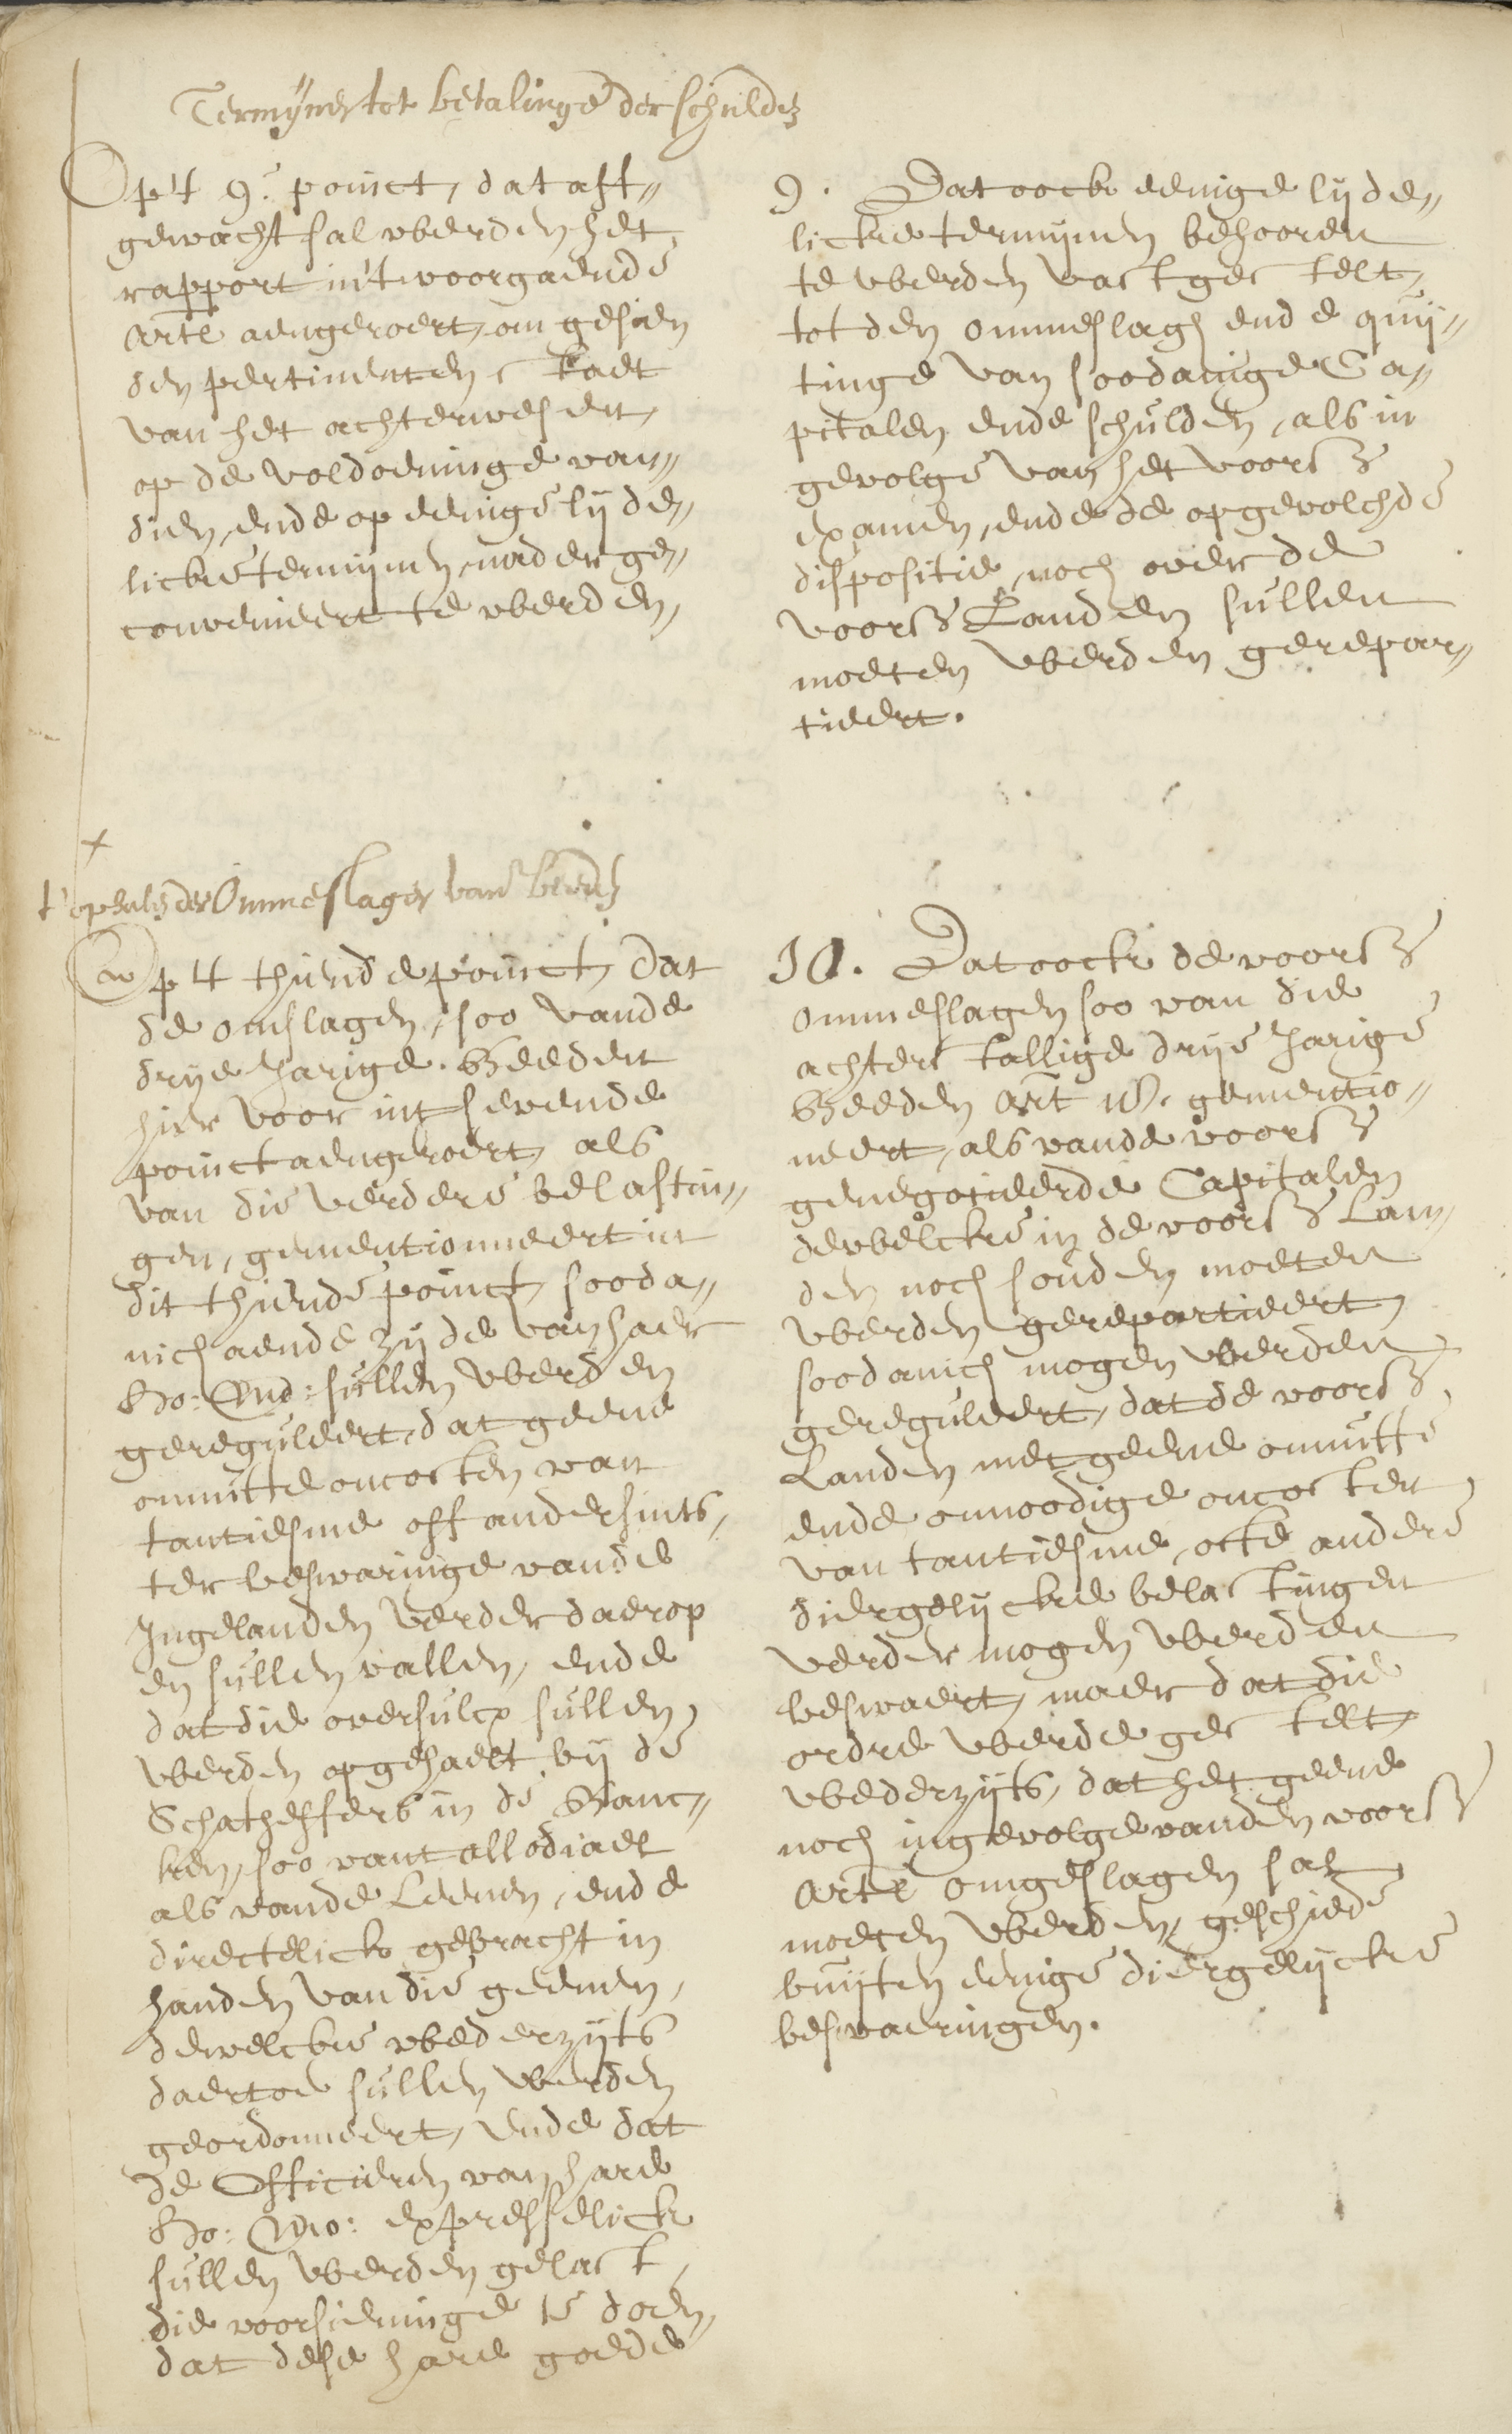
Termijnen tot betalinge der schulden
Op 't 9e. poinct, dat aff„
gewacht sal werden het
rapport in 't voorgaende
artl aengeroert, om gesien
den pertinenten staet
van het achterwesen,
op de voldoeninge van„
dien, ende op eenige lijde„
licke termijnen nader ge„
convenieert te werden.
t'ophalen der Ommeslagen van beeden
Opt thiende poinct, dat
de omslagen, soo vande
drije Jarige Beeden
hier voor int sevende
poinct aengeroert, als
van die verdere belastin„
gen, gementionneert in
dit thiende poinct, sooda„
nich aende zijde van haer
Ho:Mo: sullen werden
gereguleert, dat geene
onnutte oncosten van
tantiesme off andersints,
ter beswaringe vande
Ingelanden verder daerop
en sullen vallen, ende
dat die oversulcx sullen
werden opgehaelt bij de
Schatheffers in de Banc„
ken, soo vant allodiael
als vande Leenen, ende
directelick gebracht in
handen van die geenen,
dewelcke wederzijts
daertoe sullen werden
geordonneert. Ende dat
de Officieren van hare
Ho:Mo: expresselick
sullen werden gelast
die voorsieninge te doen.
dat dese hare goede
9. Dat oock eenige lijde„
licke termijnen behooren
te werden vastgestelt,
tot den ommeslagh ende quij„
tinge van soodanige Ca„
pitalen ende schulden, als in
gevolge van het voors
examen, ende de opgevolchde
dispositie, noch over de
voors Landen sullen
moeten werden gerepar,,
tieert.
10. Dat oock de voors
ommeslagen soo van die
achterstallige drije Jarige
Beeden art 18 gementio„
neert, als vande voors
genegotieerde Capitalen
dewelcke in de voors Lan„
den noch souden moeten
werden gerepartieert,
soodanich mogen werden
gereguleert, dat de voors
Landen met geene onnutte
ende onnoodige oncosten
van tantiesime, ofte andere
diergelijcke belastingen
verder mogen werden
beswaert, maer dat die
ordre werde gestelt
wederzijts, dat het geene
noch ingevolge vanden voors
artl omgeslagen sal
moeten werden, geschiede
buijten eenige diergelijcke
beswaeringen.
